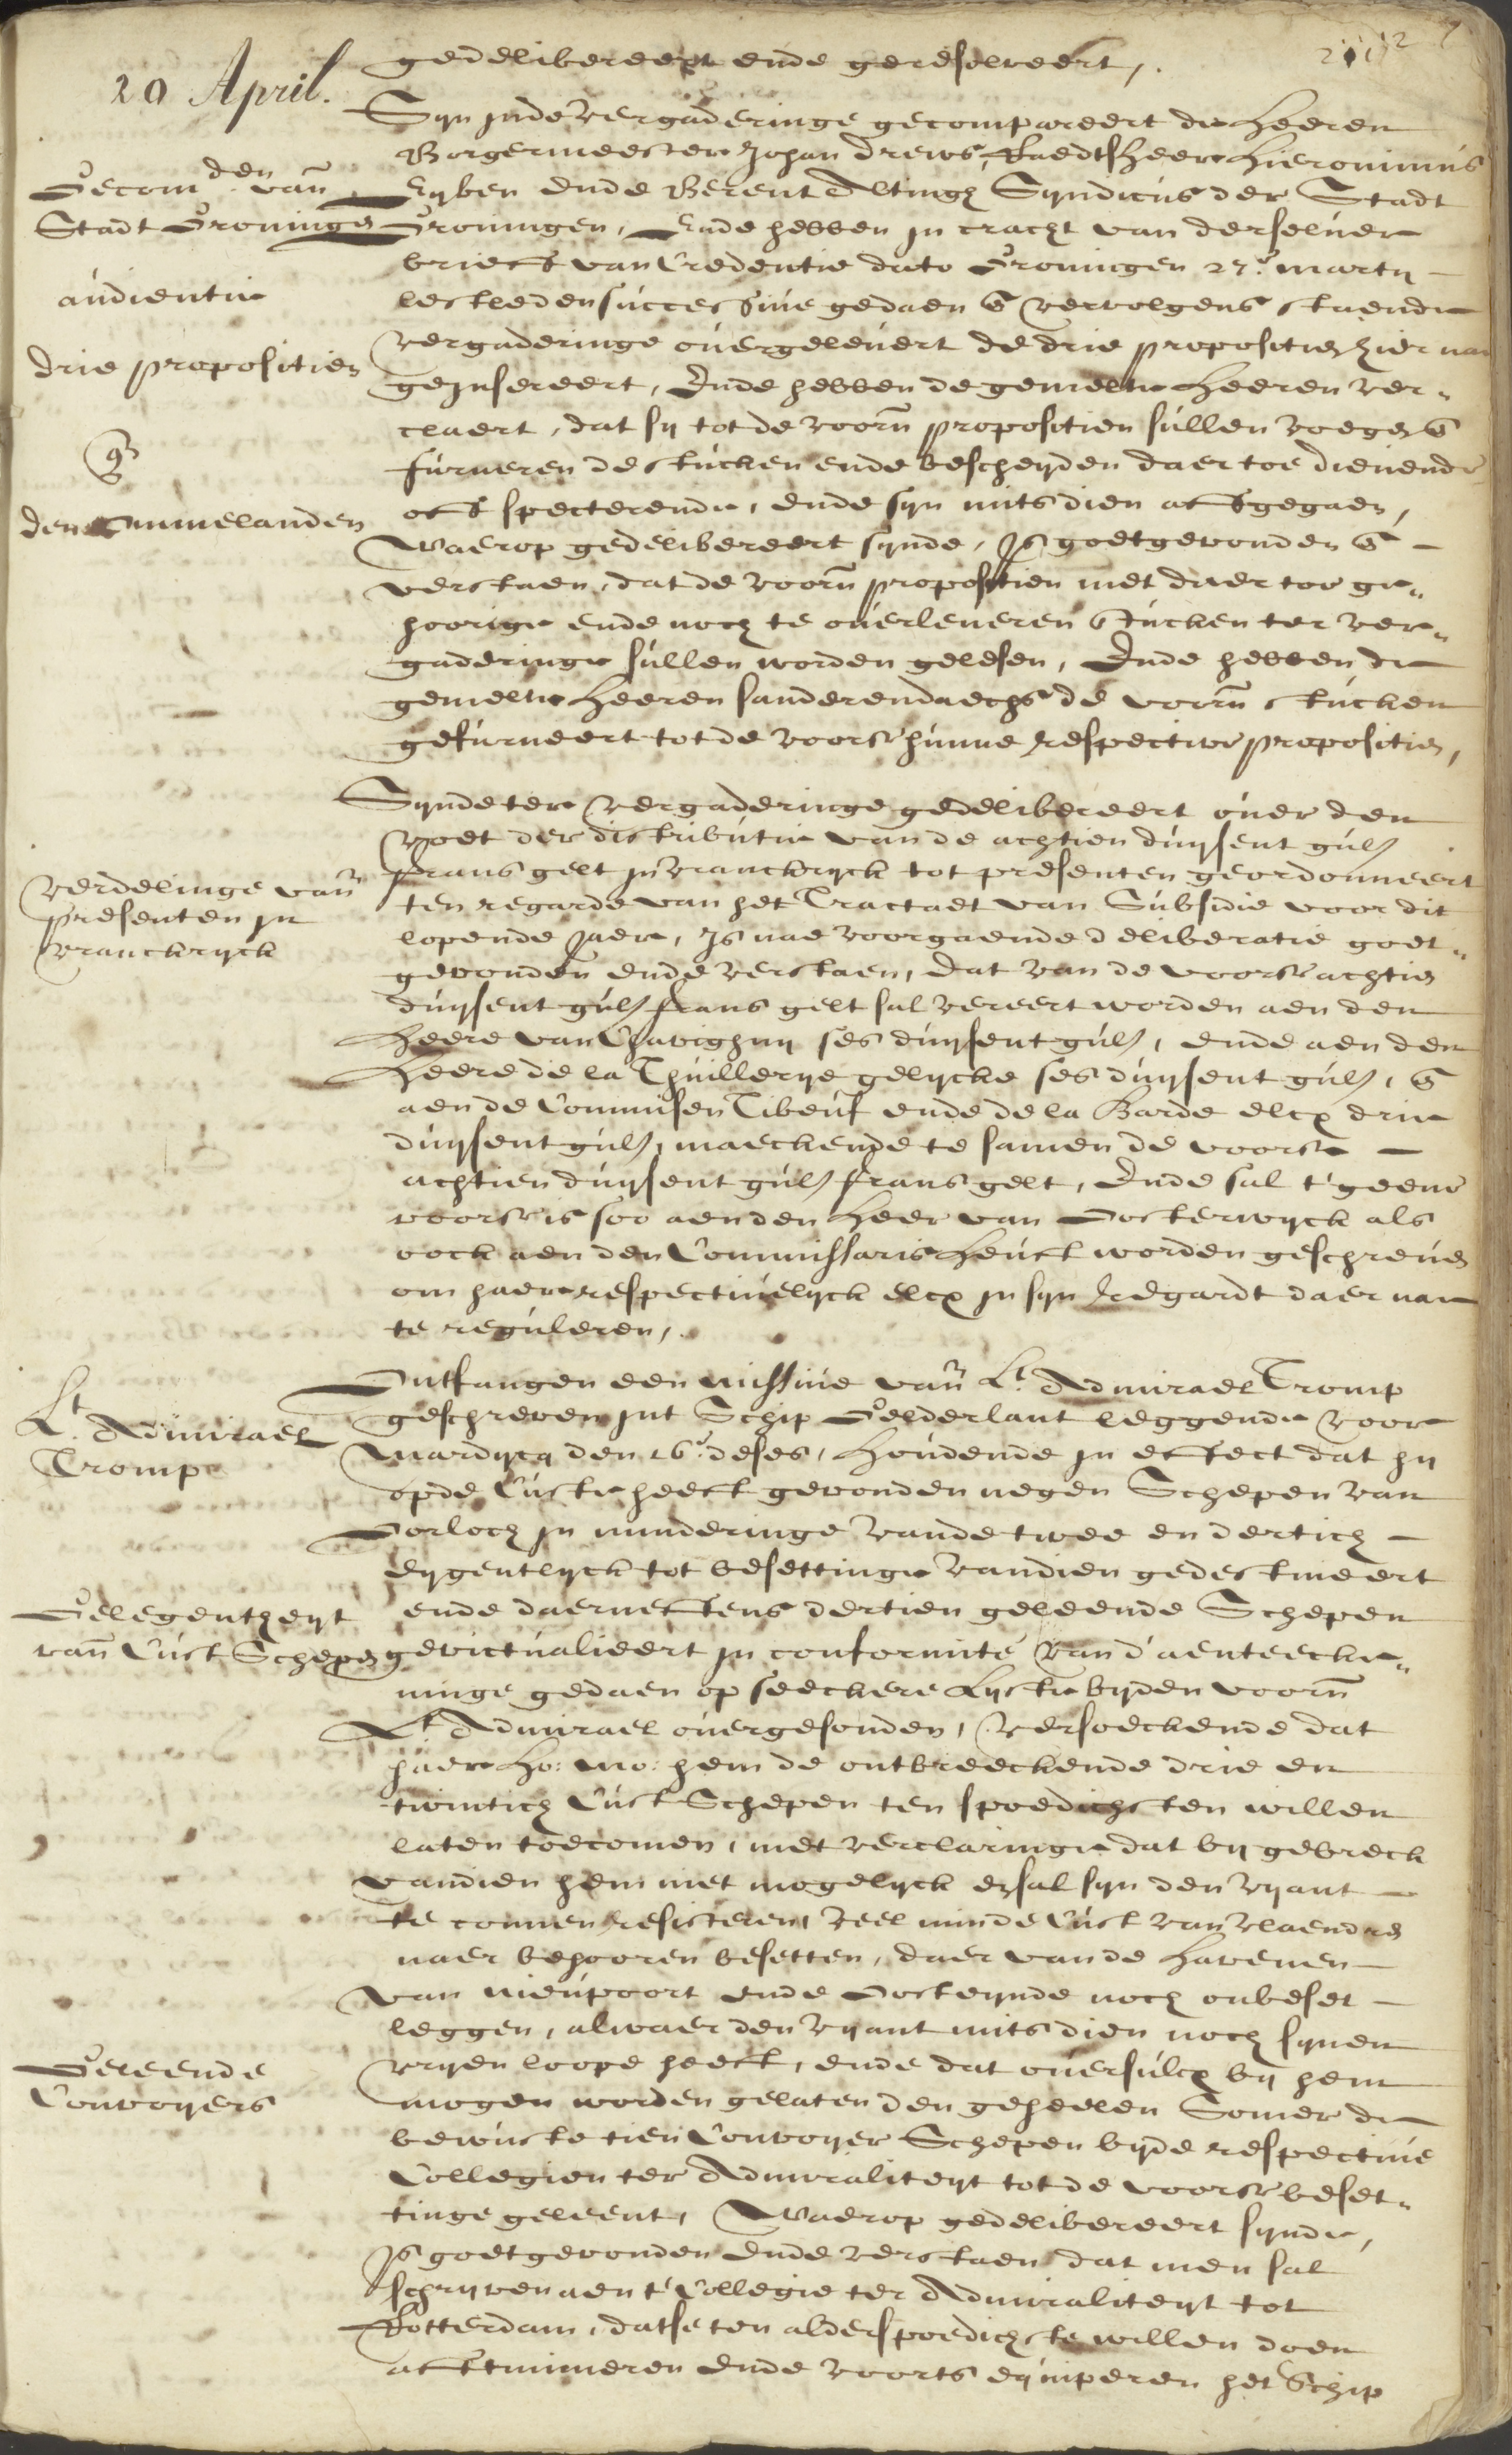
gedelibereert ende geresolveert.
2002
20 April.
Gecomden van
Stadt Groningen
audientie
drie propositien
en
den Ommelanden
Syn inde vergaderinge gecompareert die Heeren
Borgermeester Johan Drews, Raedtsheer Hieronimus
Eyben ende Berent Altingh Syndicus der Stadt
Groningen. Ende hebben in cracht van derselver
brieff van Credentie dato Groningen 27e marty —
lestleden successive gedaen en vervolgens staende
vergaderinge overgelevert de drie propositien hier nae
geinsereert. Ende hebben de gemelte Heeren ver„
claert, dat sy tot de voorn propositien sullen voegen en
furneren de stucken ende bescheyden daer toe dienende
off specterende, ende syn mitsdien affgegaen,
Waerop gedelibereert synde, Is goetgevonden en —
verstaen, dat de voorn propositien met daer toe ge„
hoorige ende noch te overleveren stucken ter ver„
gaderinge sullen worden gelesen. Ende hebben de
gemelte Heeren sanderendaechs de voorn stucken
gefurneert tot de voorsz hunne respective propositien.
Verdelinge van
presenten in
vranckryck
Synde ter vergaderinge gedelibereert over den
voet der distributie van de achtien duysent gul
Frans gelt in vranckryck tot presenten geordonneert
ten regarde van het Tractaet van Subsidie voor dit
lopende jaer, Is nae voorgaende deliberatie goet„
gevonden ende verstaen, Dat van de voorsz achtien
duysent gul Frans gelt sal vereert worden aen den
Heere van Chavighny ses duysent gul, ende aen den
Heere de la Thuillerye gelycke ses duysent gul, en
aen de Commisen Tibeuf ende de la Barde elcx drie
duysent gul, maeckende te samen de voorsz —
achtien duysent gul Frans gelt. Ende sal t‛geene
voorsz is soo aen den Heer van Oosterwyck als
oock aen den Commissaris Heuff worden geschreven
om haer respectivelyck elcx in syn regardt daer nae
te reguleren.
Lt. Admirael
Tromp
Gelegentheyt
van Cust Schepen
Gereede
Convoyers
Ontfangen een missive van Lt. Admirael Tromp
geschreven int Schip Gelderlant leggende voor
Mardycq den 16e deses, Houdende in effect dat hy
opde Custe heeft gevonden negen Schepen van
Oorloch in minderinge vande twee en dertich —
eygentlyck tot besettinge vandien gedestineert
ende daerneffens dertien geleende Schepen
gevictualieert in conformité van d‛aenteecke„
ninge gedaen op seeckere Lyste byden voorn
Lt. Admirael overgesonden, versoeckende dat
haer Ho:mo: hem de ontbreeckende drie en
twintich Cust Schepen ten spoedichsten willen
laten toecomen, met verclaringe dat by gebreck
vandien hem niet mogelyck en sal syn den vyant —
te connen resicteren, veel minde Cust van Vlaenderen
naer behooren besetten, daer vande Havenen —
van nieupoort ende Oosteynde noch onbeset —
leggen, alwaer den vyant mits dien noch synen
vryen loope heeft, ende dat oversulcx by hem
mogen worden gelaten den geheelen Somer de
bewuste tien Convoyer Schepen byde respective
Collegien ter Admiraliteyt tot de voorsz beset„
tinge geleent. Waerop gedelibereert synde,
Is goetgevonden ende verstaen dat men sal
schrijven aen t‛Collegie ter Admiraliteyt tot
Rotterdam, datse ten alderspoedichste willen doen
afftimmeren ende voorts equiperen het Schip
